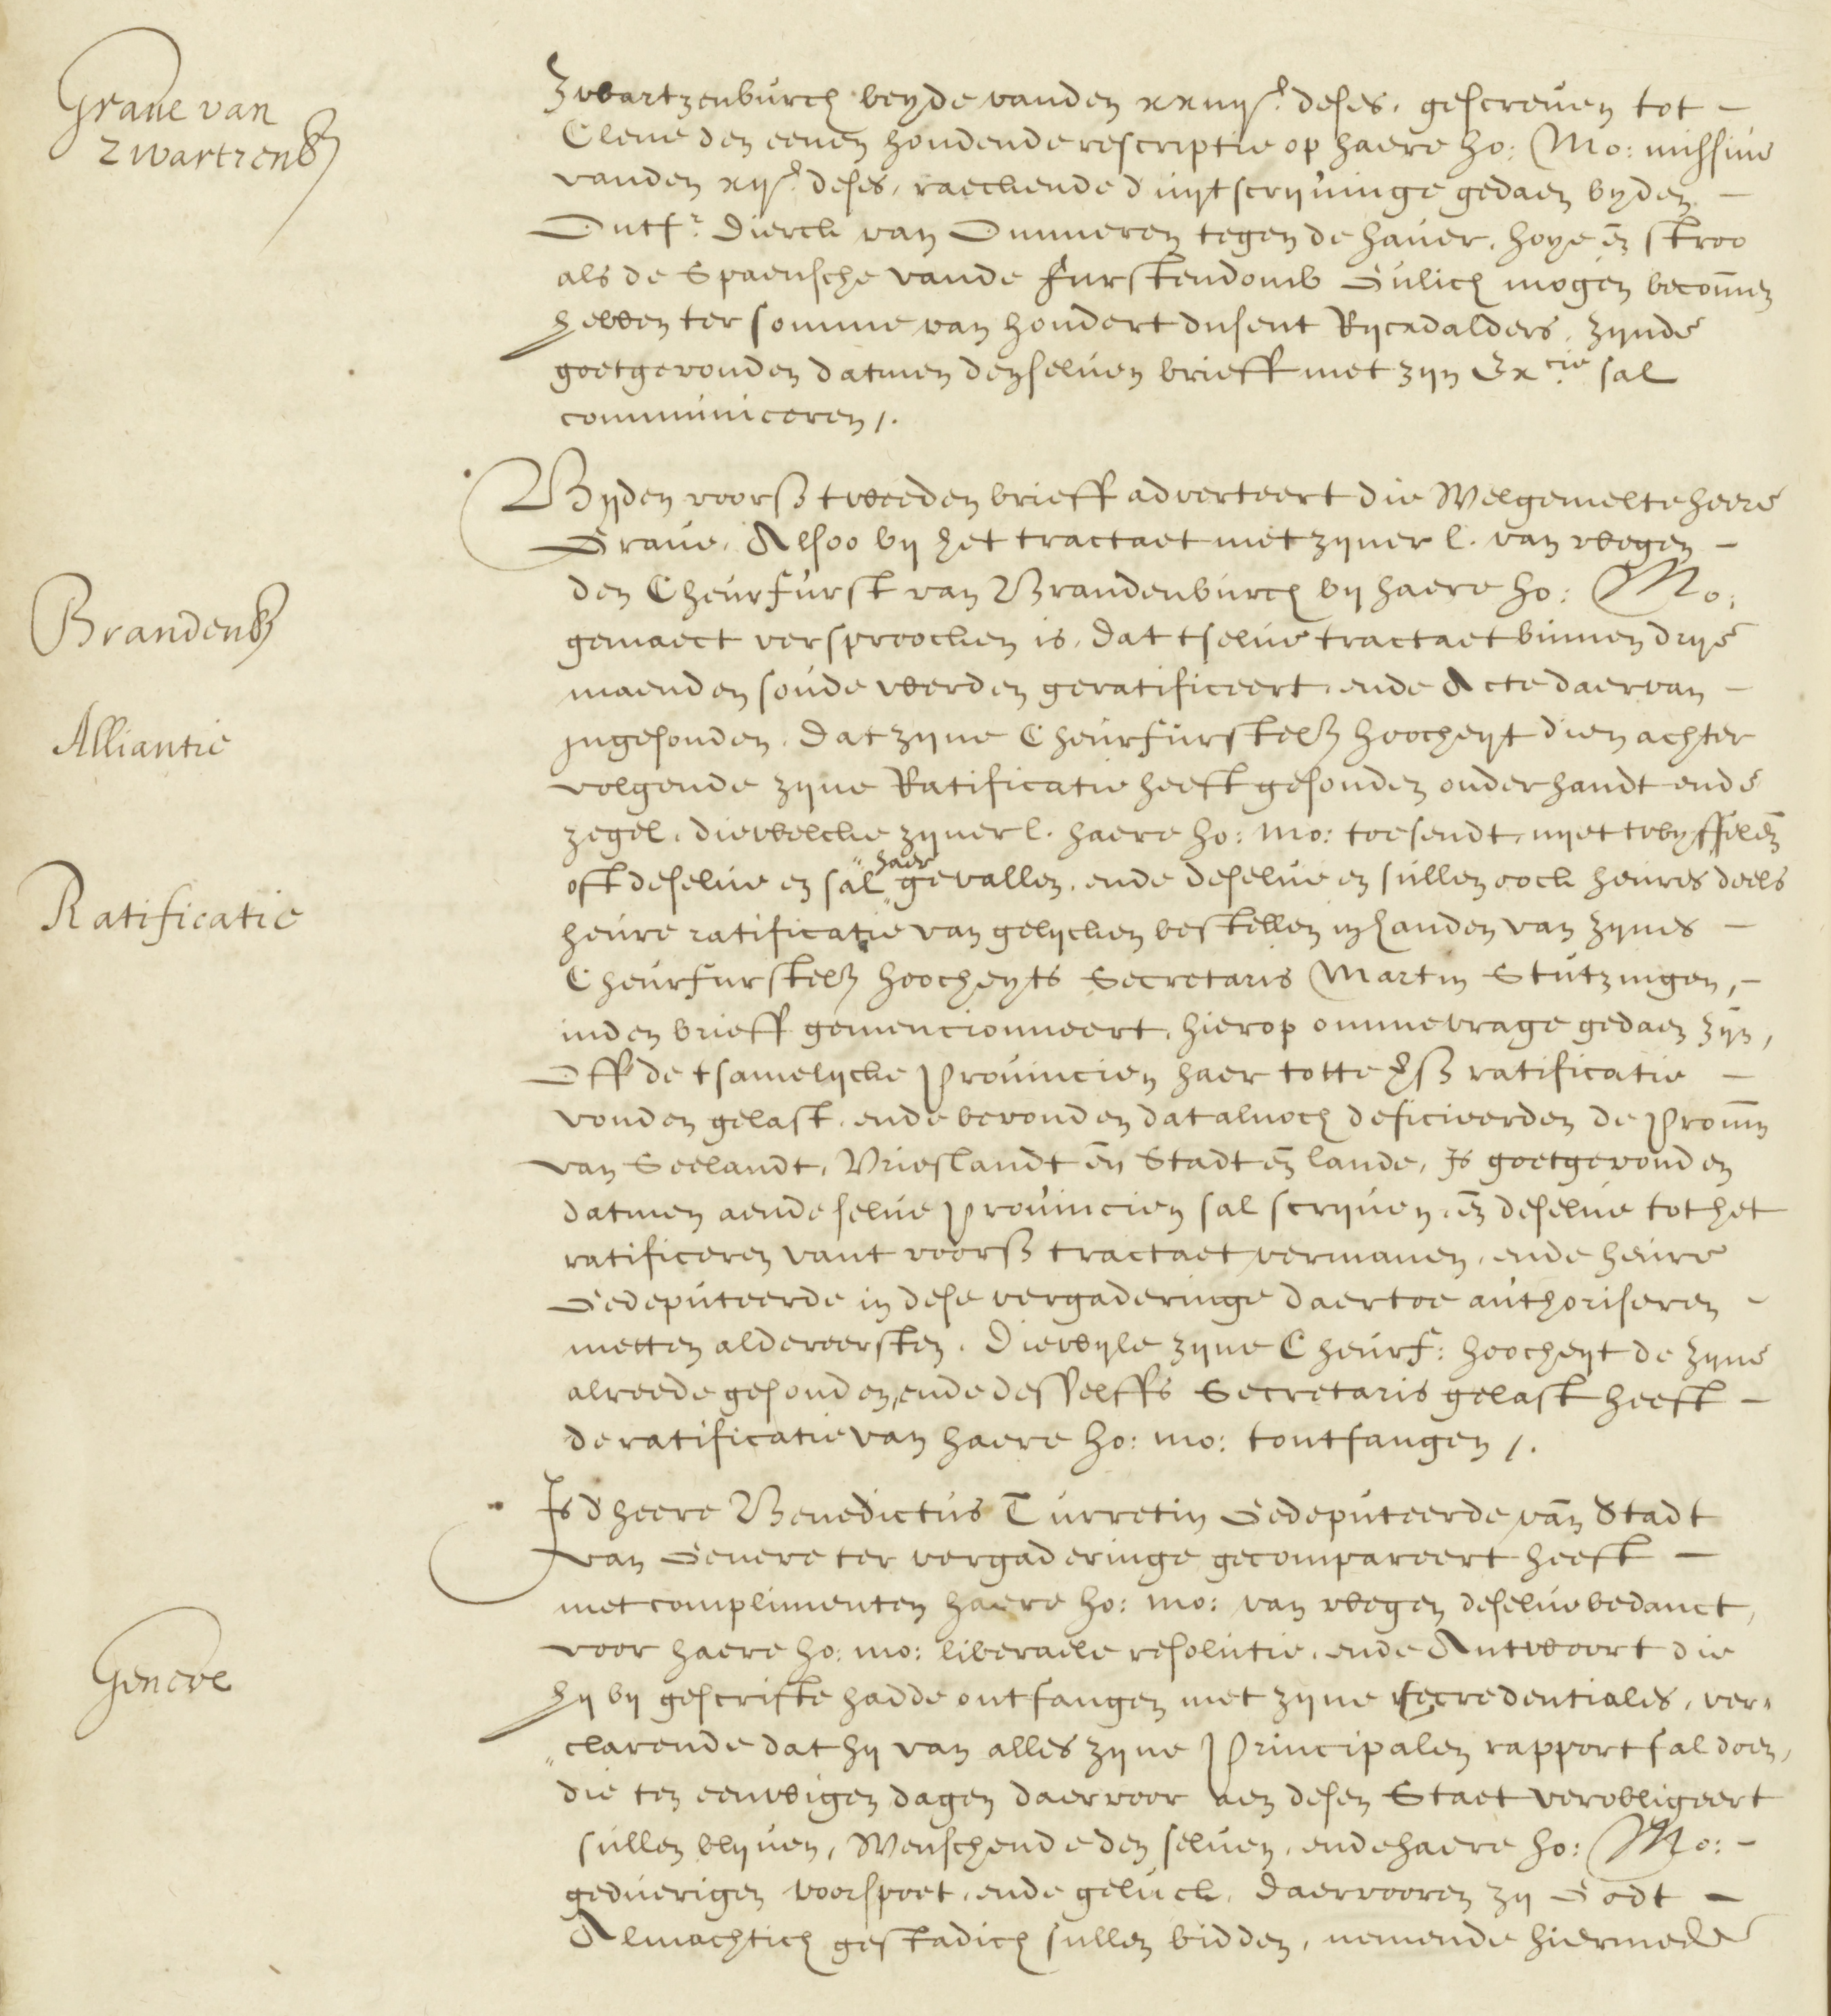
Grave van
Zwartzenb
Zwartzenburch beyde vanden xxiiije deses, gescreuen tot
Cleve den eenen houdende rescriptie op haere Ho:Mo: missive
vanden xije deses, raeckende d'uytscrijuinge gedaen byden
Ontfr Dierck van Ommeren tegen de hauer, hoye en stroo
als de Spaensche vande furstendomb Gulich mogen becomen
hebben, ter somme van hondert dusent Rycxdalders zynde
goetgevonden datmen denseluen brieff met zijn Excie sal
communiceren.
Brandenb
Alliantie
Ratificatie
Bijden voors tweeden brieff adverteert die Welgemelte heere
Graue, Alsoo by het tractaet met zyner L. van wegen
den Cheurfurst van Brandenburch by haere Ho:Mo:
gemaect versproocken is, dat tselue tractaet binnen drye
maenden soude werden geratificeert, ende Acte daervan
ingesonden. Dat zyne Cheurfurstel hoocheyt dien achter„
volgende zyne Ratificatie heeft gesonden onder handt ende
zegel, diewelcke zyner L. haere Ho:Mo: toesendt, nyet twyfelen
,, haer
off deselue en sal,,gevallen, ende deselue en sullen oock heures deels
heure ratificatie van gelycken bestellen in handen van zynes
cheurfurstel hoocheyts secretaris Martin Stutzingen
inden brieff gemencionneert, hierop ommevrage gedaen zijn,
Off de tsamelycke provincien haer totte vs ratificatie -
vonden gelast ende bevonden dat alnoch deficieerden de prouin
van Seelandt, Vrieslandt en Stadt en lande. Is goetgevonden
datmen aende selue provincien sal scryven en deselue tot het
ratificeren vant voors tractaet vermanen ende heure
Gedeputeerde in dese vergaderinge daertoe authoriseren
metten aldereersten, diewyle zyne Cheurf: hoocheyt de zyne
alreede gesonden, ende desselffs secretaris gelast heeft
de ratificatie van haere Ho:Mo: tontfangen.
Geneve
Is d'heere Benedictus Turretin Gedeputeerde van Stadt
van Geneve ter vergaderinge gecompareert heeft -
met complimenten haere Ho:Mo: van wegen deselue bedanct,
voor haere Ho:Mo: liberale resolutie, ende Antwoort die
zy by gescrifte hadde ontfangen met zyne secredentialis, ver„
,,clarende dat hy van alles zyne principalen rapport sal doen,
die ten eeuwigen dagen daervoor aen desen Staet verobligeert
sullen blyuen, wenschende den seluen ende haere Ho:Mo:
geduerigen voorspoet ende geluck, daervooren zy Godt -
Almachtich gestadich sullen bidden, nemende hiermede
